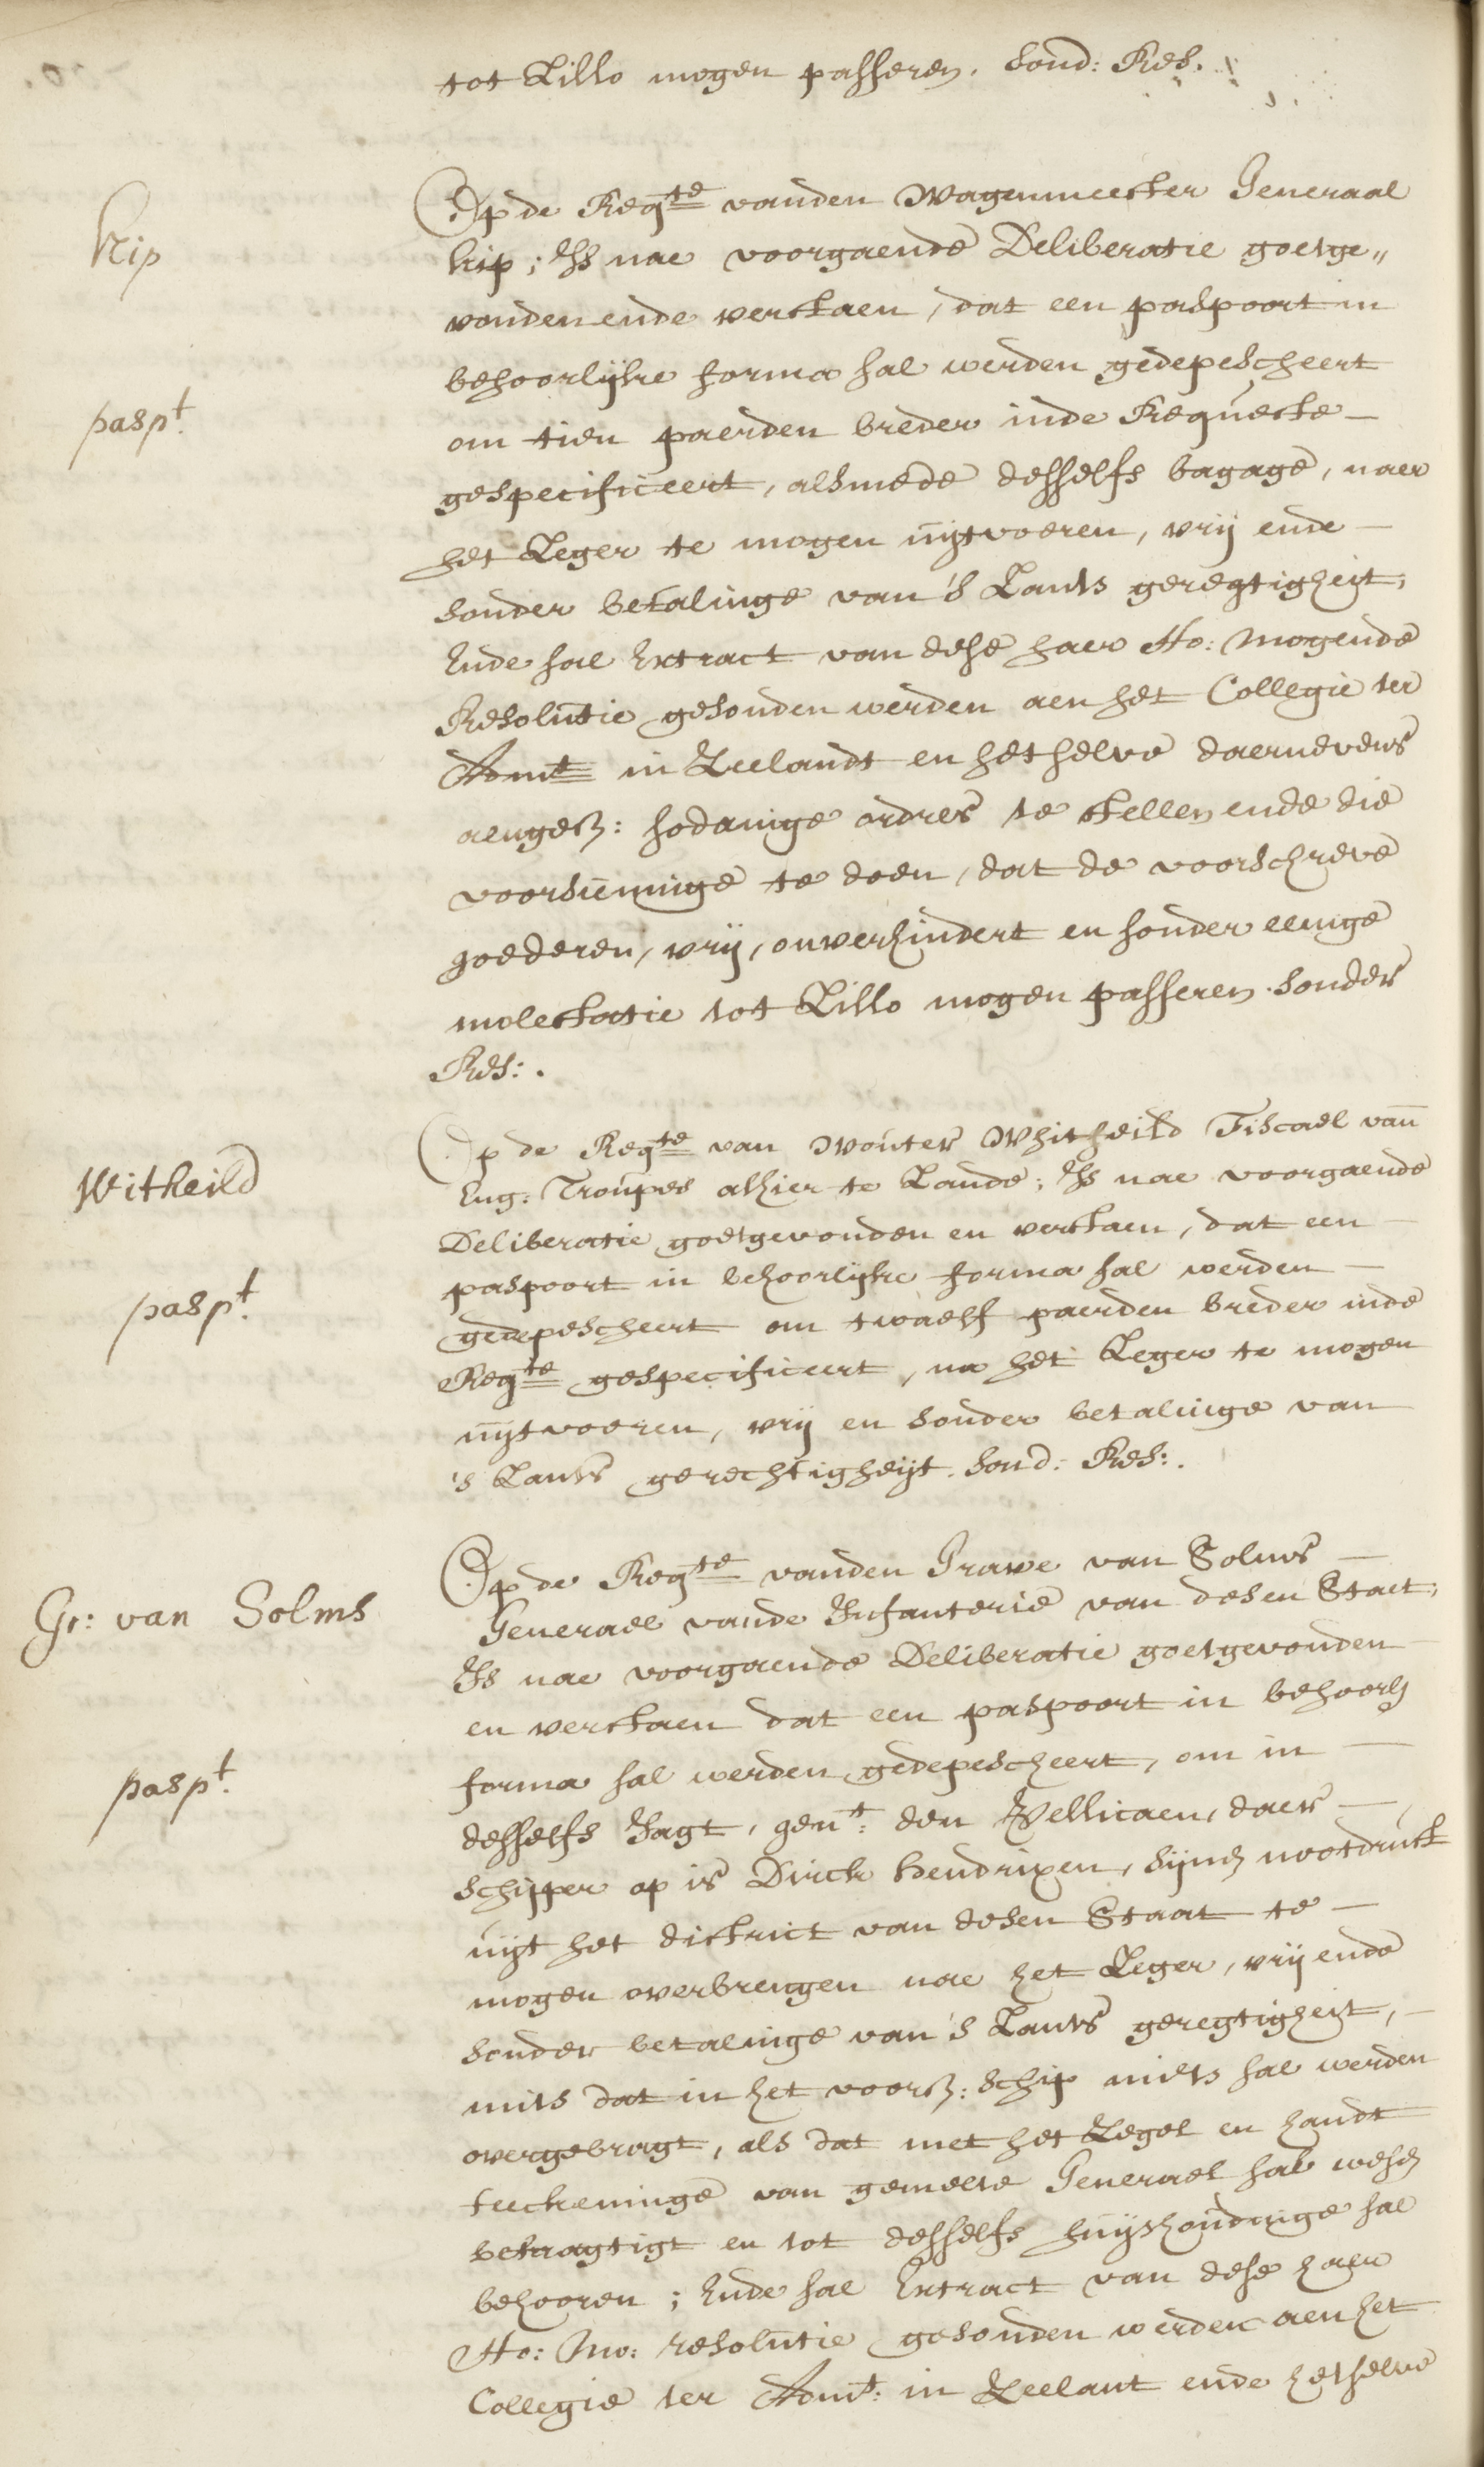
tot Lillo mogen passeren, sond: Res.
kip
paspt.
Opde Reqte vanden Wagenmeester Generaal
Kip: Is nae voorgaende Deliberatie goetge„
vonden ende verstaen, dat een paspoort in
behoorlijke forma sal werden gedepescheert
om tien paerden breder inde requeste
gespecificeert, alsmede desselfs bagage, naer
het Leger te mogen uijtvoeren, vrij ende
sonder belalinge van ‛s Lants geregtigheijt.
ende sal Extract van dese haer Ho:mogende
Resolutie gesonden werden aen het Collegie ter
Admt in Zeelandt en het selve daernevens
aenges: sodanige ordres te stellen ende die
voorsieninge te doen, dat de voorschreve
goederen, vrij, onverhindert en sonder eenige
molestatie tot Lillo mogen passeren sonder
Res:
Witheild
paspt.
Op de Reqte van Wouter Whitheild Fiscael van
Eng: Troupes alhier te Lande: Is nae voorgaende
deliberatie goetgevonden en verstaen, dat een
paspoort in behoorlijke forma sal werden
gedepescheert om twaeff paerden breder inde
Reqte gespecificert, na het Leger te mogen
uijtvoeren, vrij en sonder betalinge van
's Lants gerechtigheijt, sond: Res:
Gr: van Solms
paspt
Op de Reqte vanden Grave van Solms
Generael vande Infanterie van desen Staet,
Is nae voorgaende Deliberatie goetgevonden
en verstaen dat een paspoort in behoorl
forma sal werden gedepescheert, om in
desselfs Jagt, gent. den Pellicaen, daer
schijpper op is Dirck Hendrixen, sijnen nootdruft
uijt het district van desen Staat te
mogen overbrengen nae het Leger, vrij ende
sonder betalinge van ‛s Lants geregtighet,
mits dat in het voors: schip niets sal werden
overgebragt, als dat met het zegel en handt
teckeninge van gemelte Generael sal wesen
bekragtigt en tot desselfs huijshoudinge sal
behooren: Ende sal Extract van dese haer
Ho:Mo: resolutie gesonden werden aen het
Collegie ter Admt: in Zeelant ende hetselve
